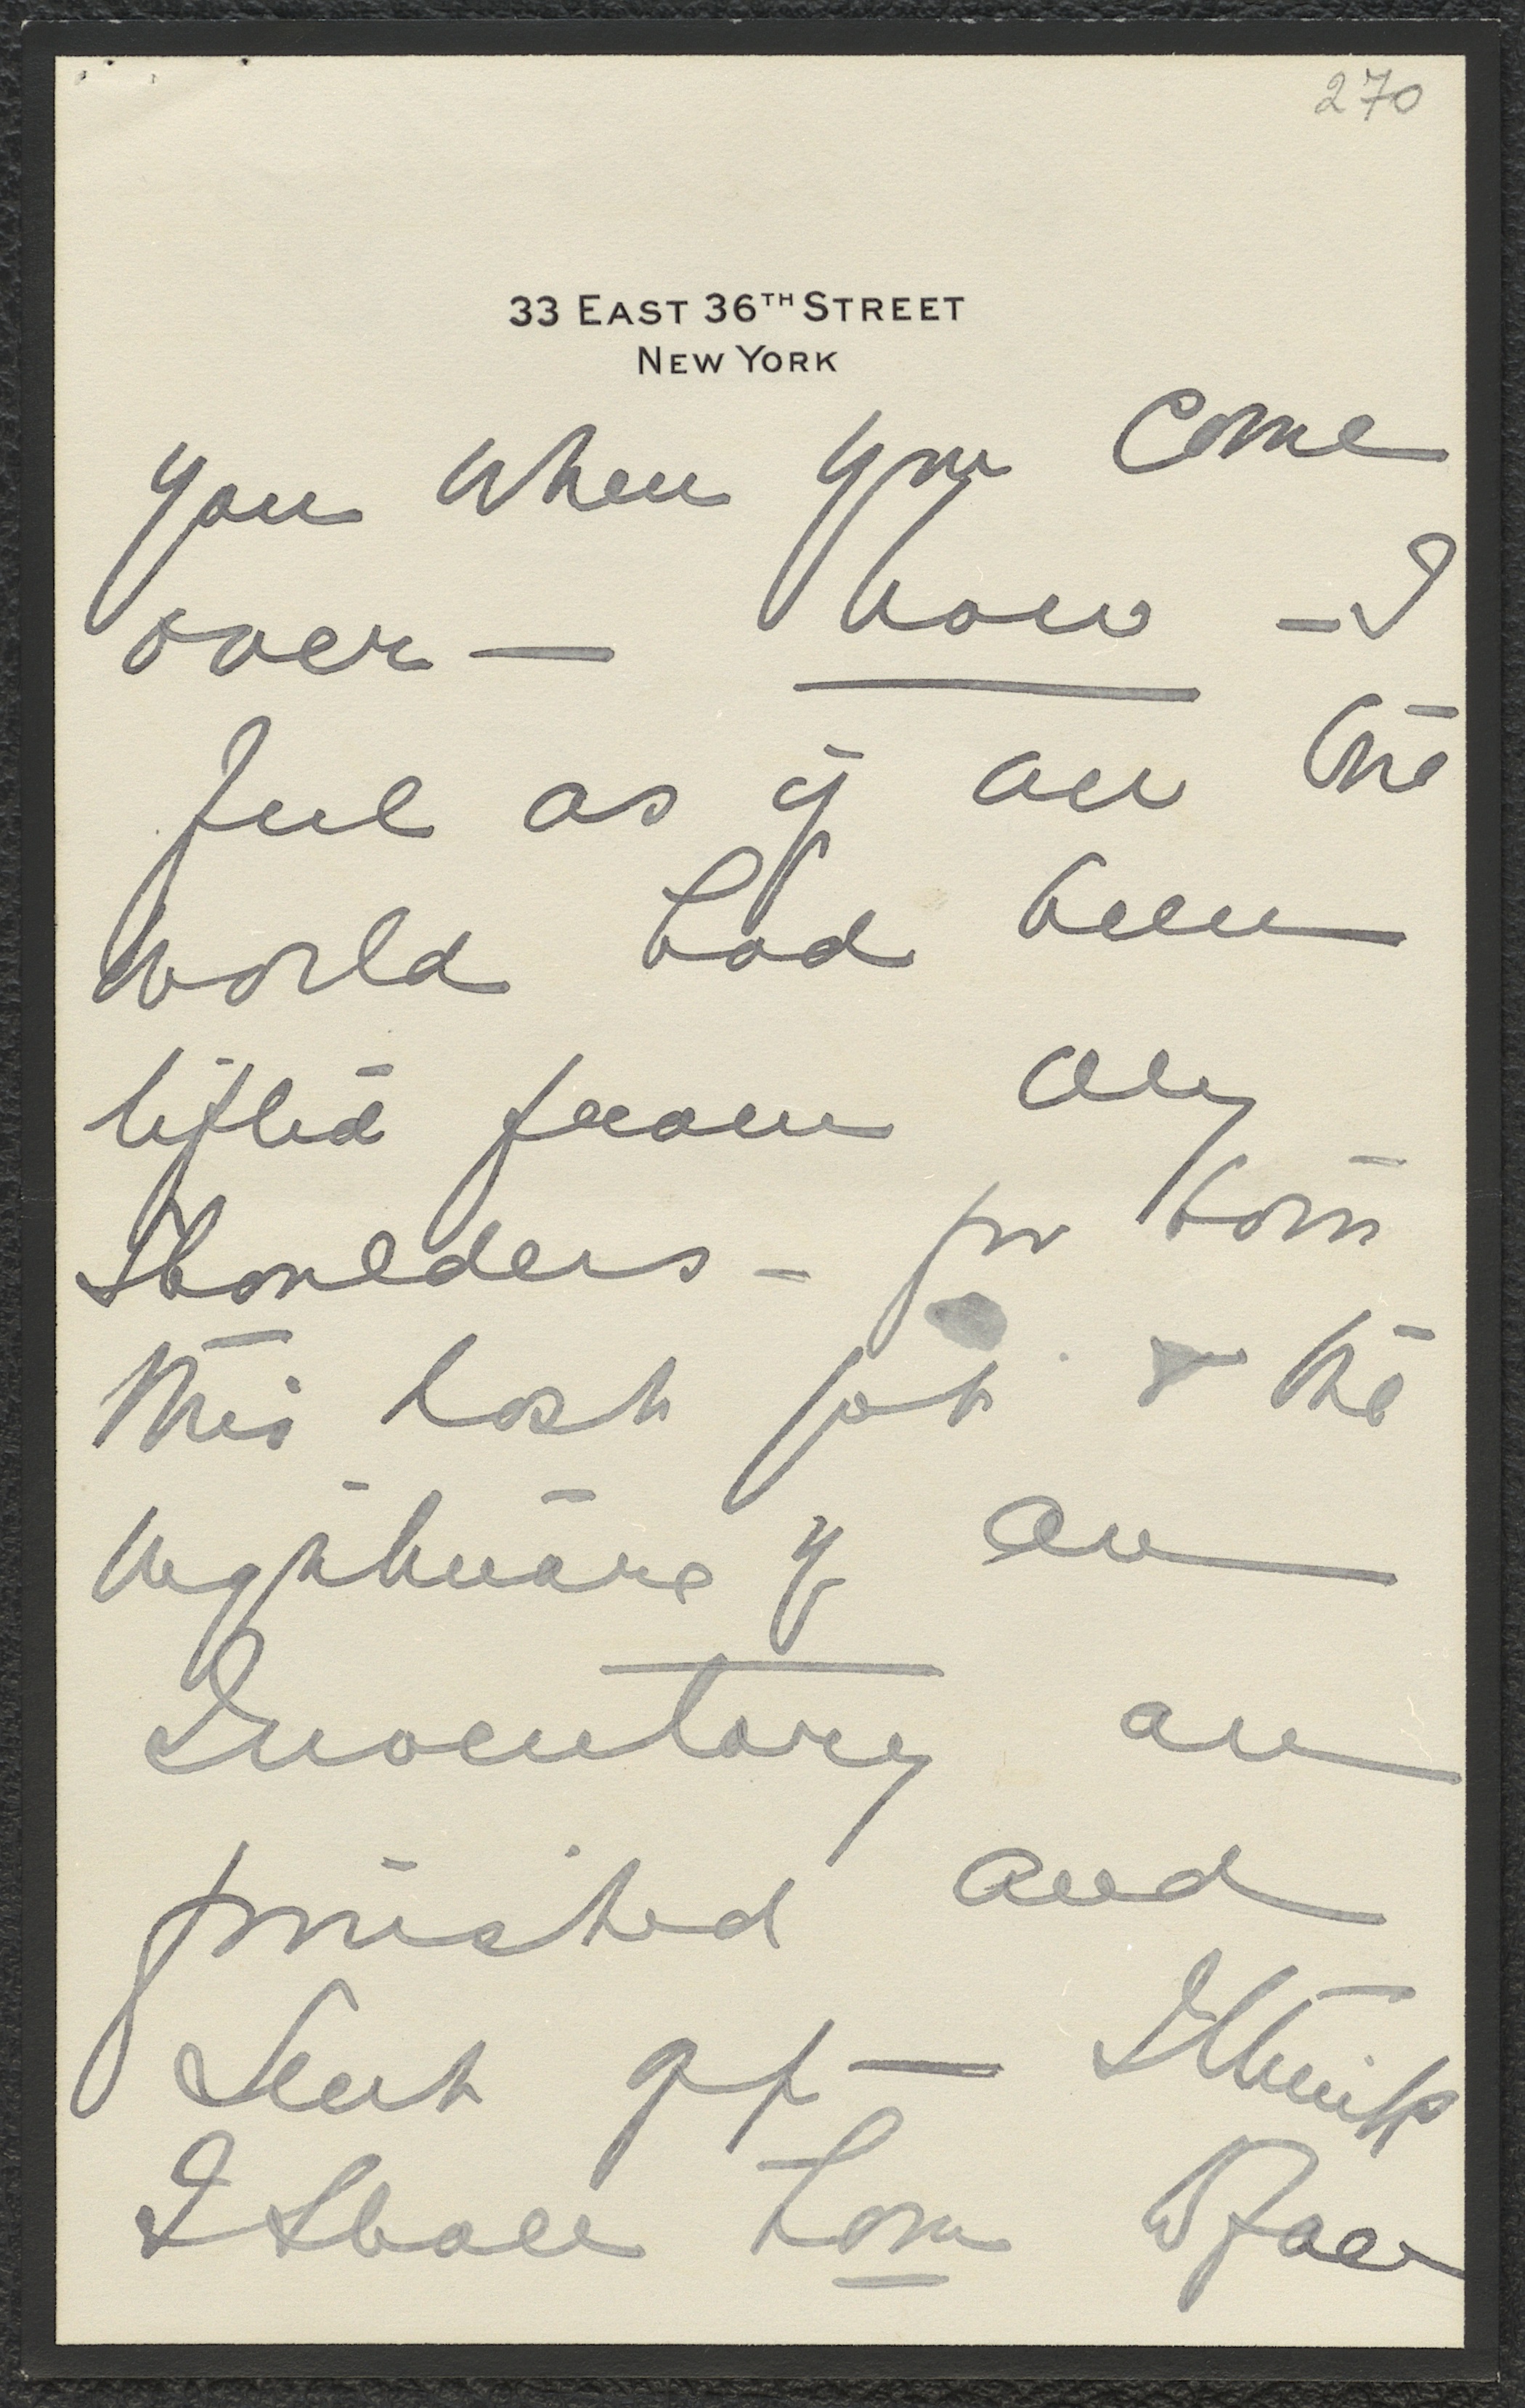you when you come over – Now – I feel as if all the world had been lifted from my shoulders – for both this last job & the nightmare of an Inventory are finished and sent off – I think I shall have to fall